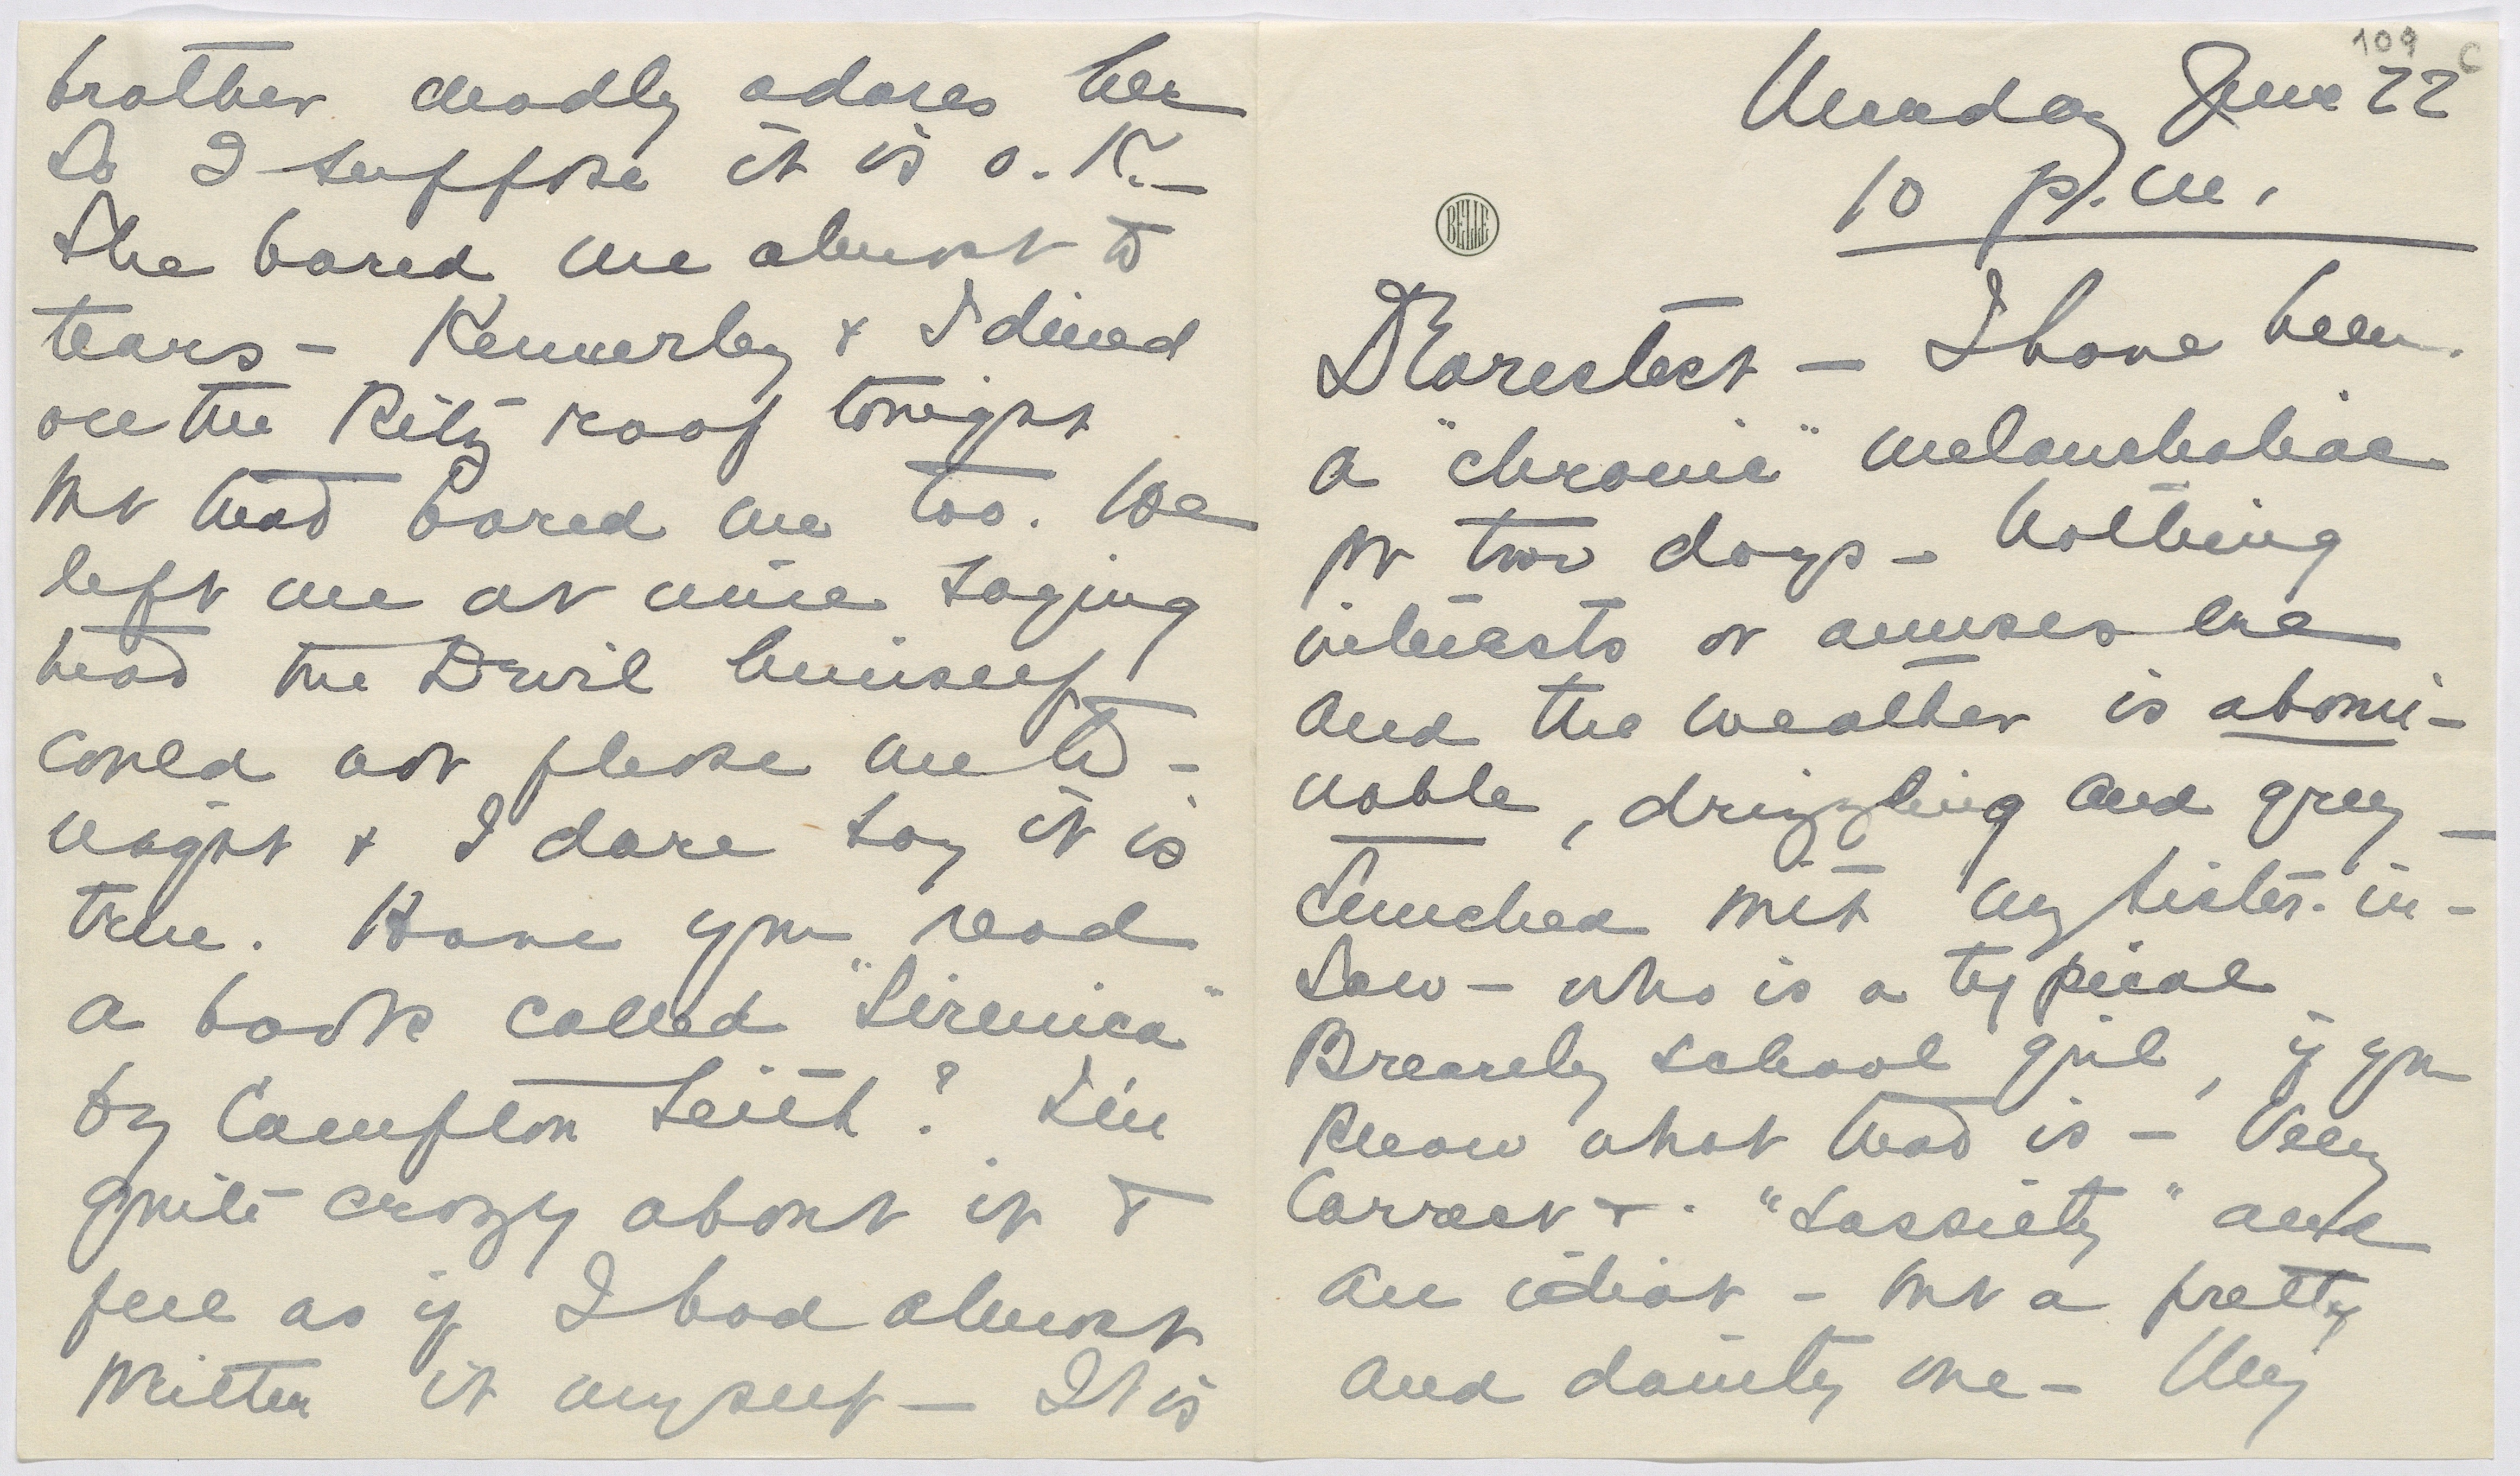Monday, June 22
10 p.m.
Dearestest – I have been a “chronic” melancholiac for two days – nothing interests or amuses me and the weather is abominable, drizzling and grey – Lunched with my sister-in-law – who is a typical Brearely [sic] school girl, if you know what that is – Very correct & “sassiety” and an idiot – but a pretty and dainty one – My
brother madly adores her so I supposed it is o.k. – she bored me almost to tears – Kennerley & I dined on the Ritz roof tonight but that bored me too. He left me at nine saying that the Devil himself could not please me tonight & I dare say it is true. Have you read a book called “Sirenica” by Compton Leith? I’m quite crazy about it & feel as if I had almost written it myself – It is